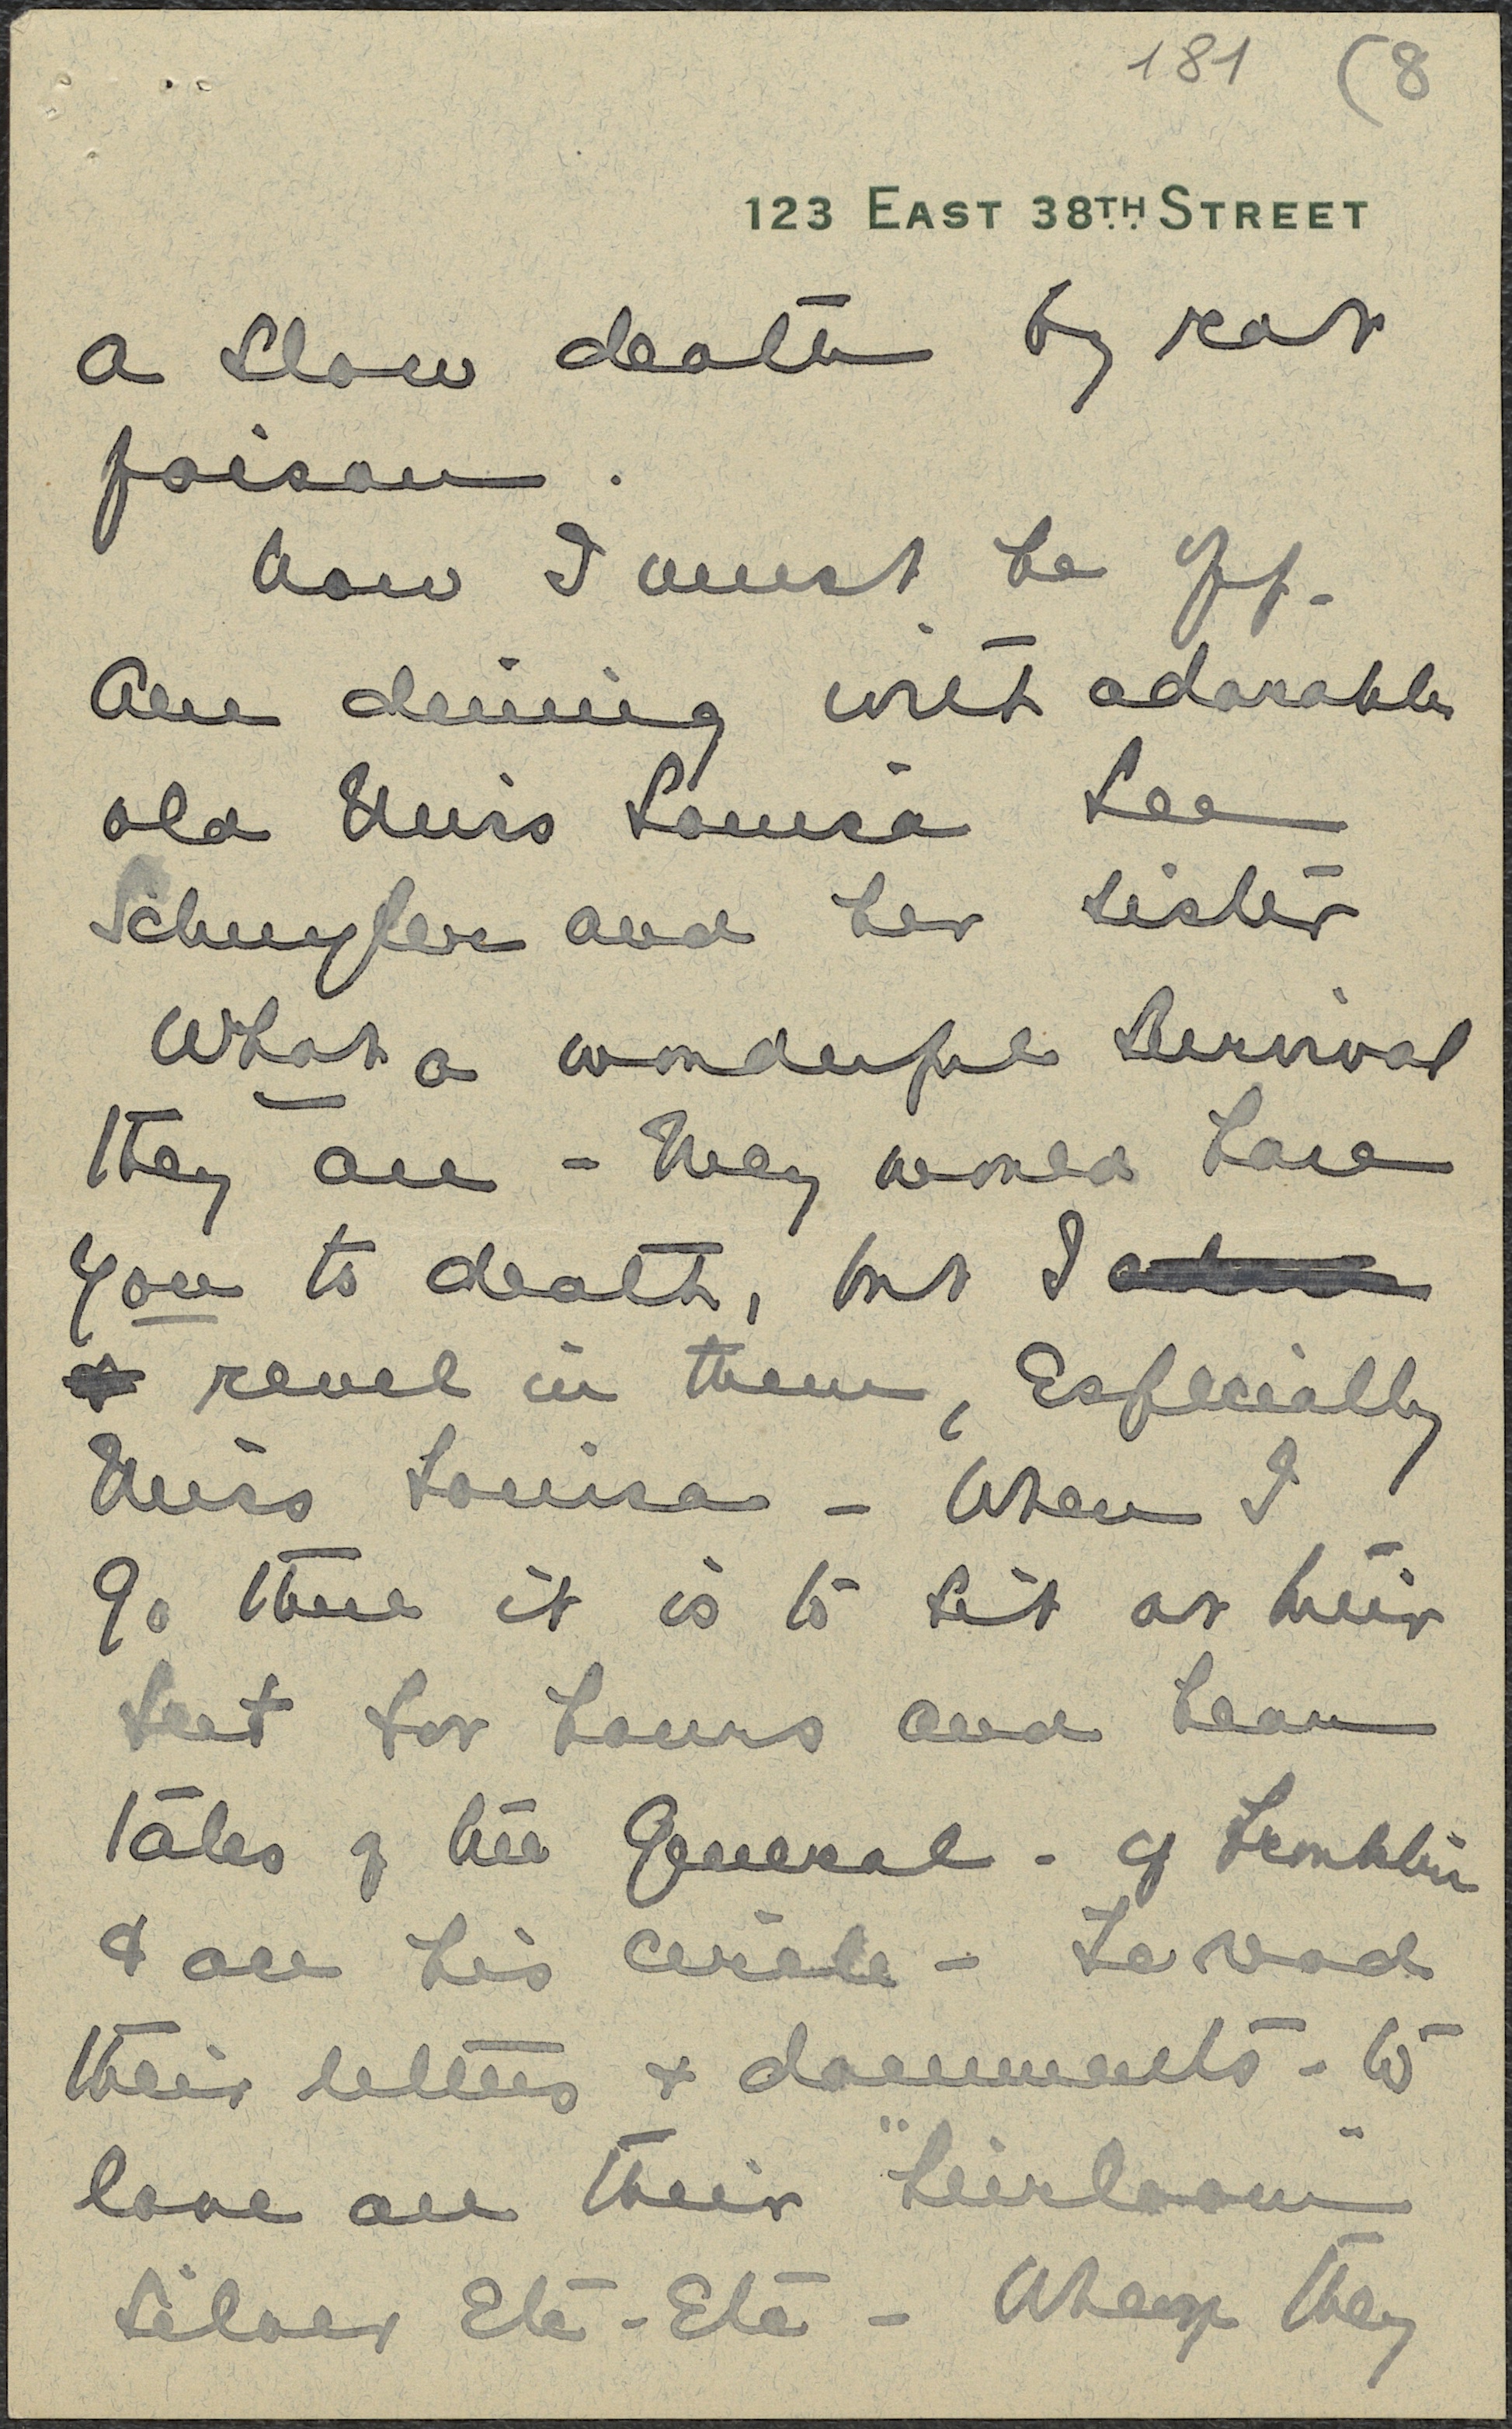(8
a slow death by rat poison.
Now I must be off – Am dining with adorable old Miss Louisa Lee Schuyler and her sister
What a wonderful survival they are – They would bore you to death, but I adore & revel in them, especially Miss Louisa – When I go there it is to sit at their feet for hours and hear tales of the General – of Franklin & all his circle – To read their letters & documents – to love all their "heirloom" silver etc – etc – When they